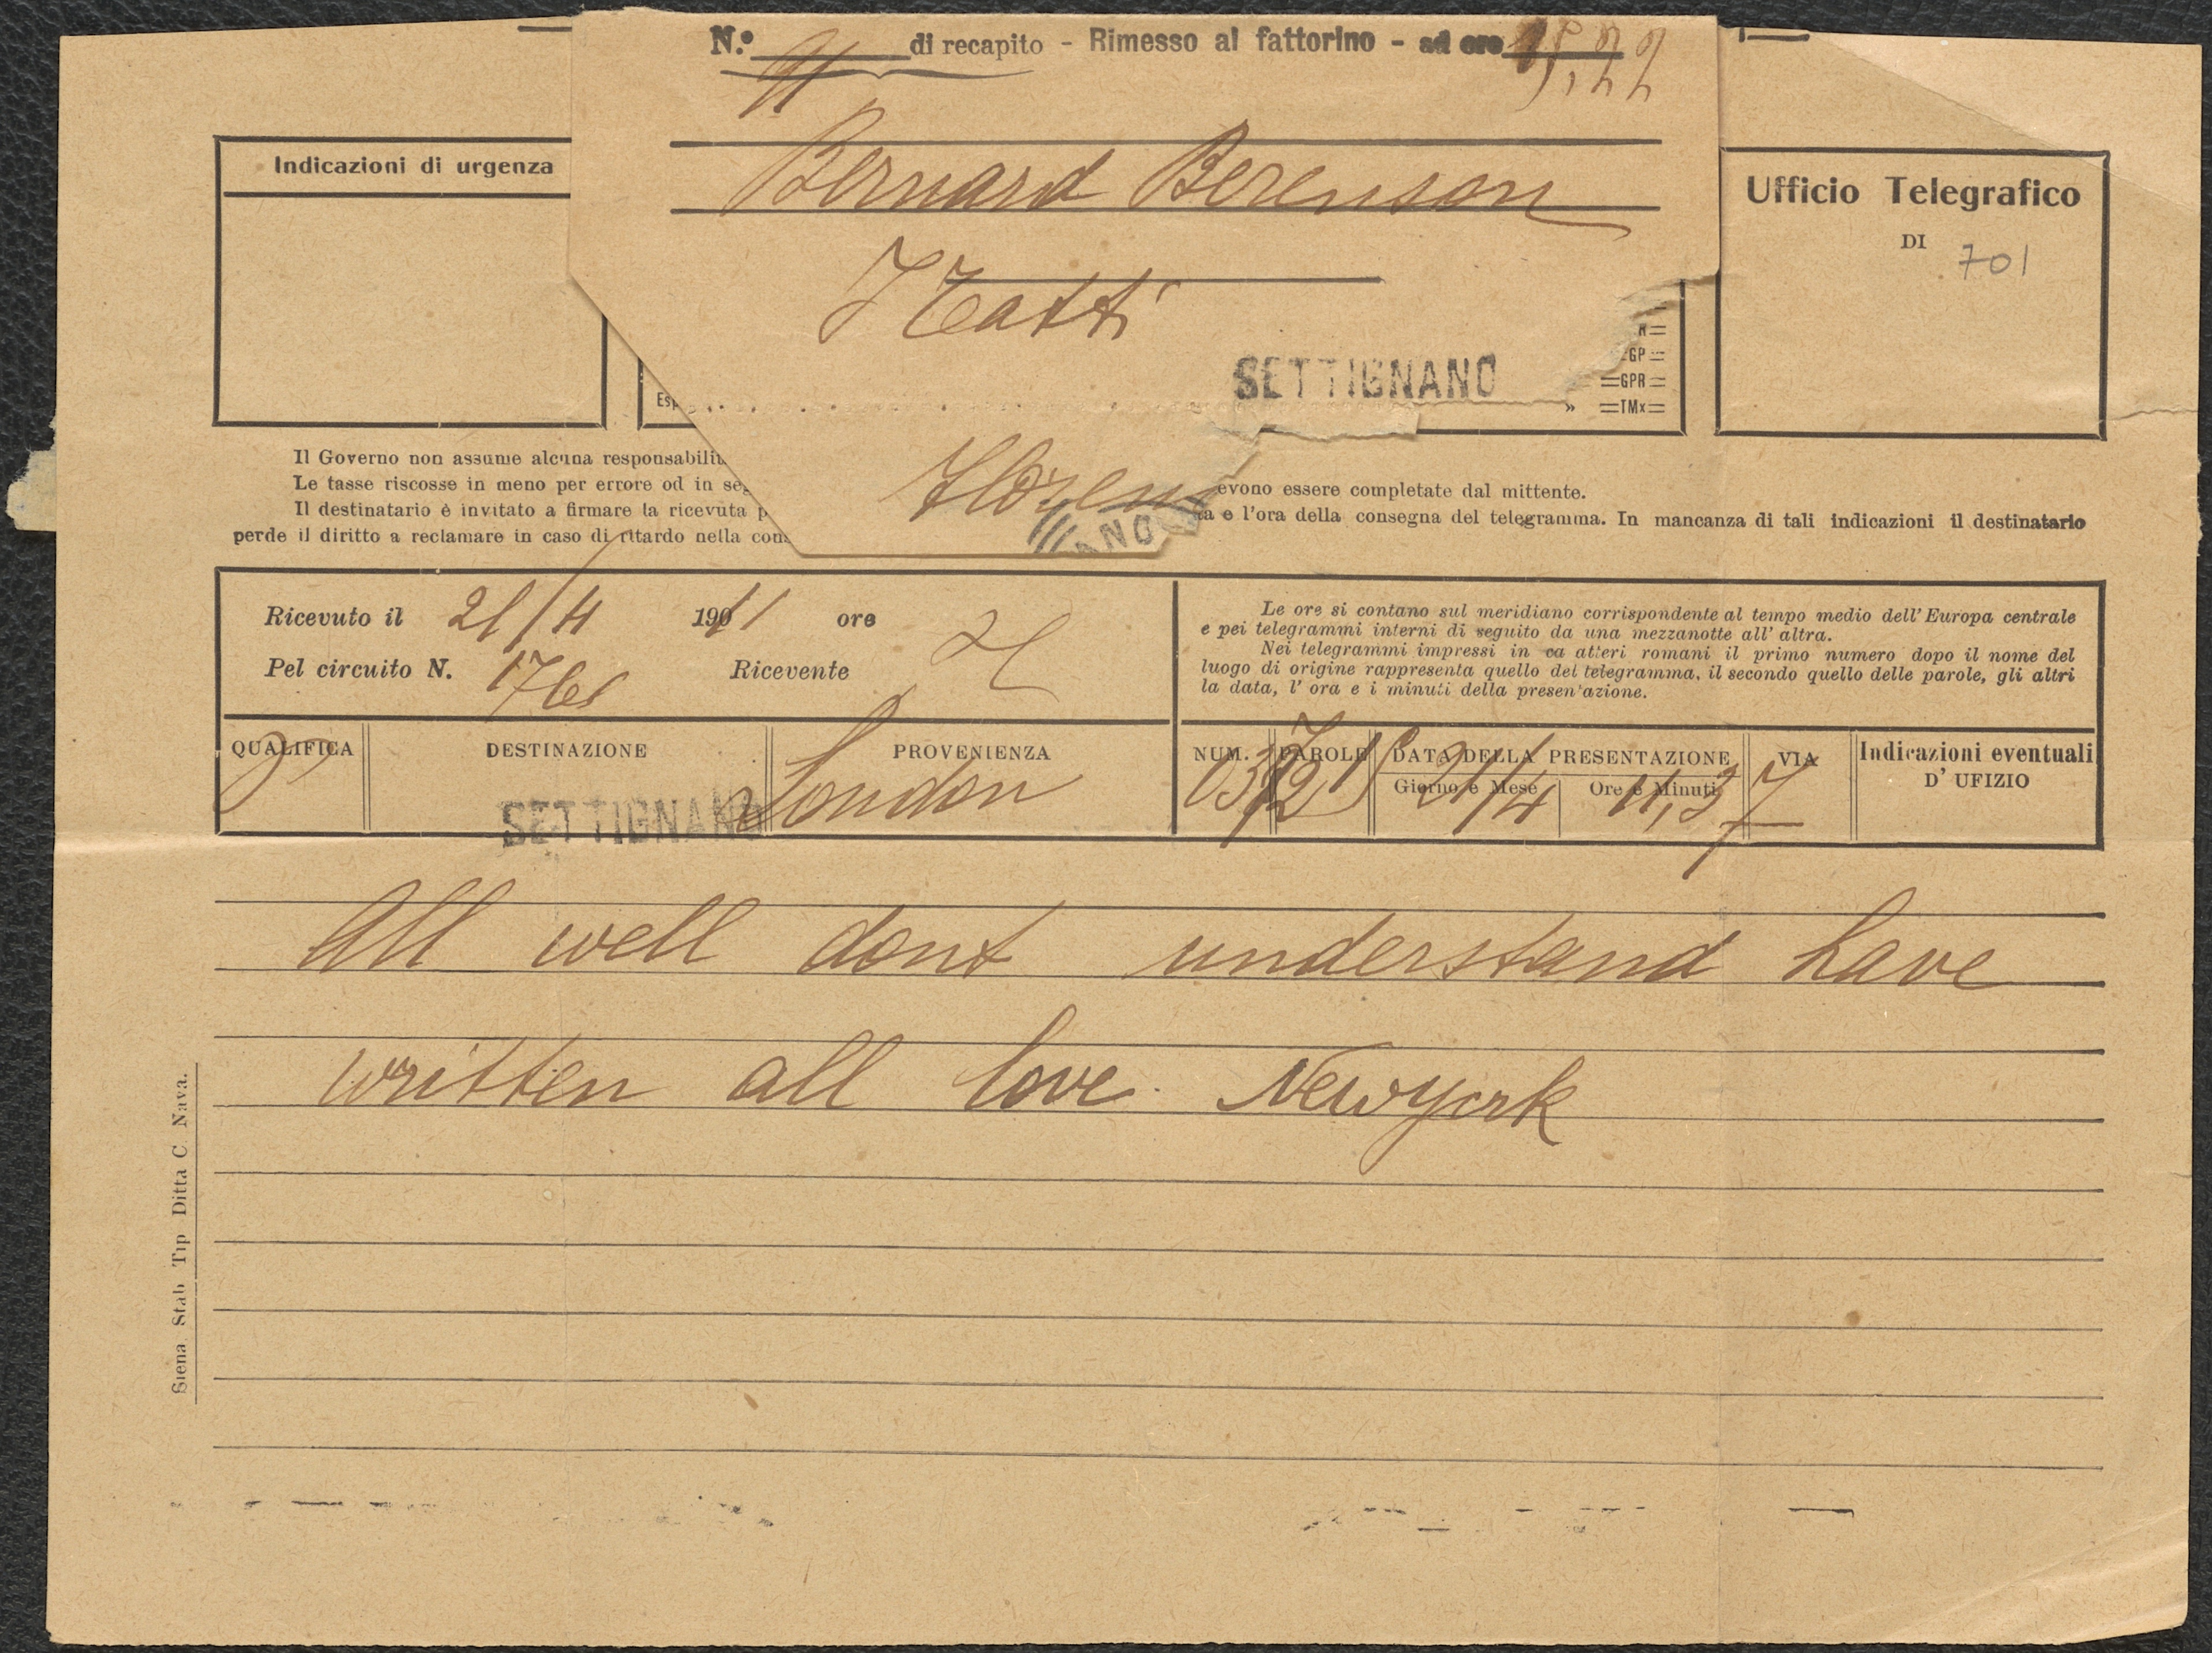Bernard Berenson
I Tatti
All well dont understand have written all love New York